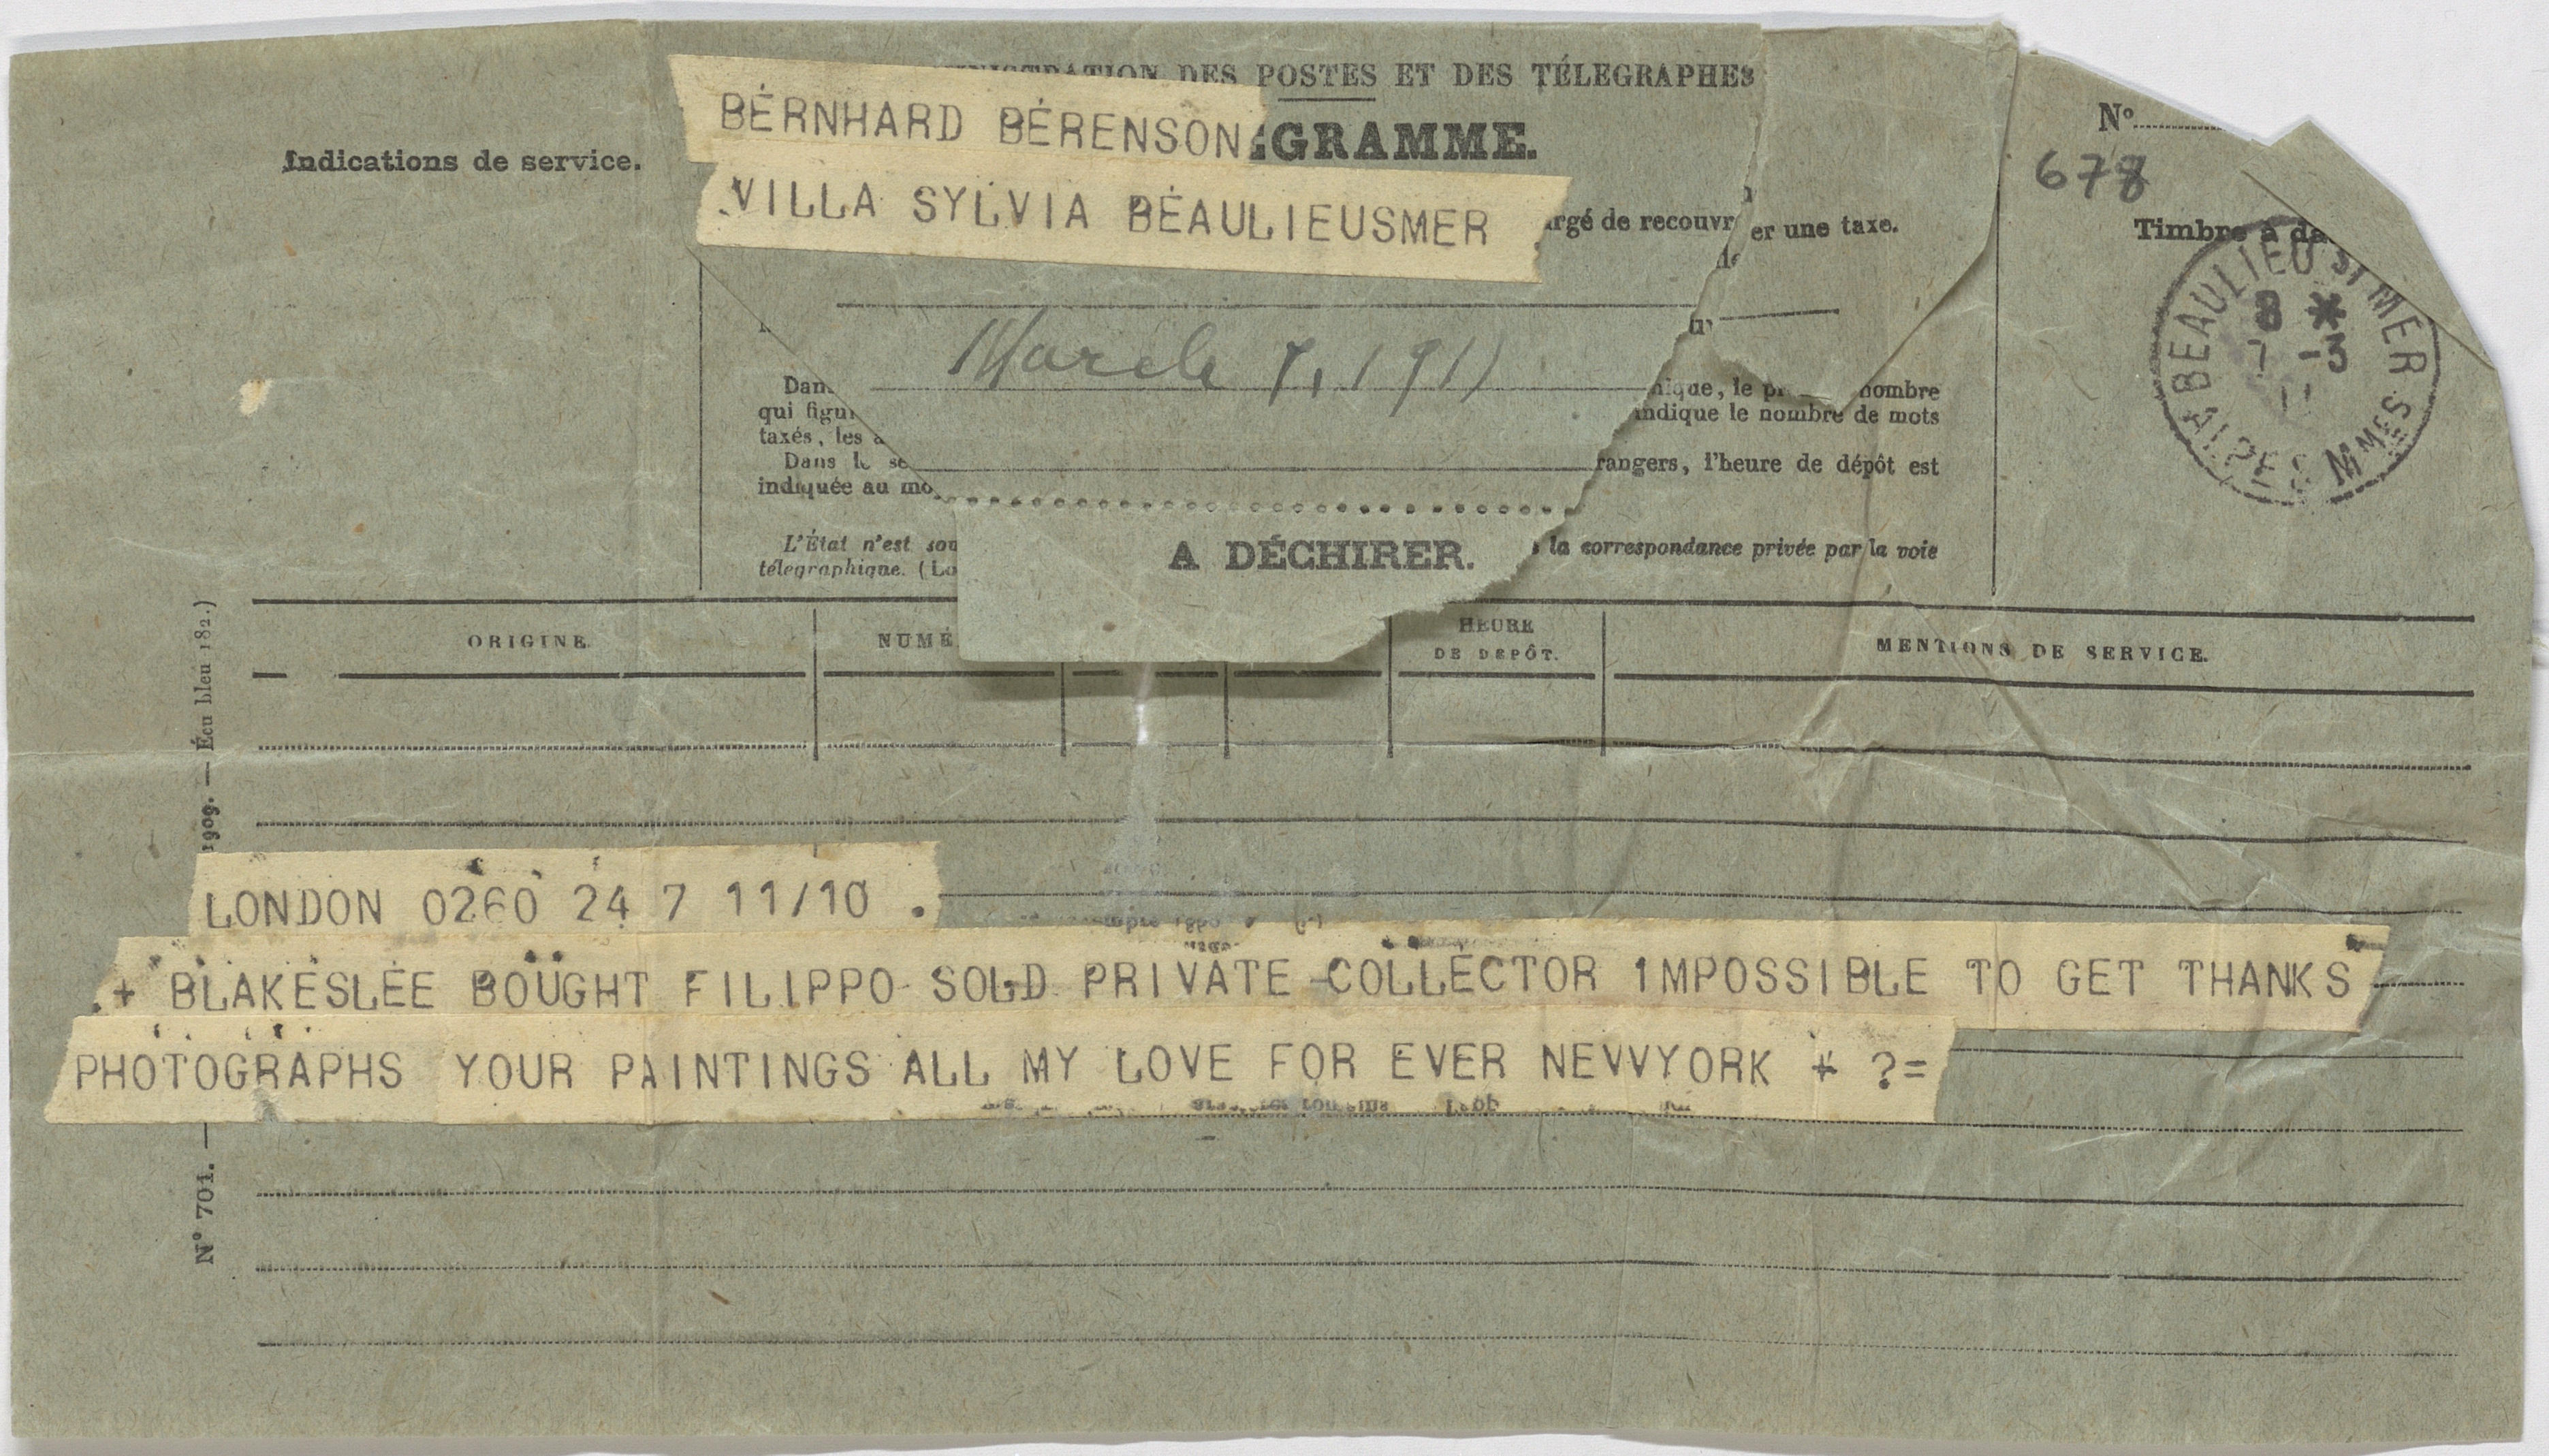BERNHARD BERENSON
VILLA SYLVIA BEAULIEUS[UR]MER
LONDON 0260 23 7 11/10.
BLAKESLEE BOUGHT FILIPPO SOLD PRIVATE COLLECTOR IMPOSSIBLE TO GET THANKS PHOTOGRAPHS YOUR PAINTINGS ALL MY LOVE FOR EVER NEWYORK + ?=